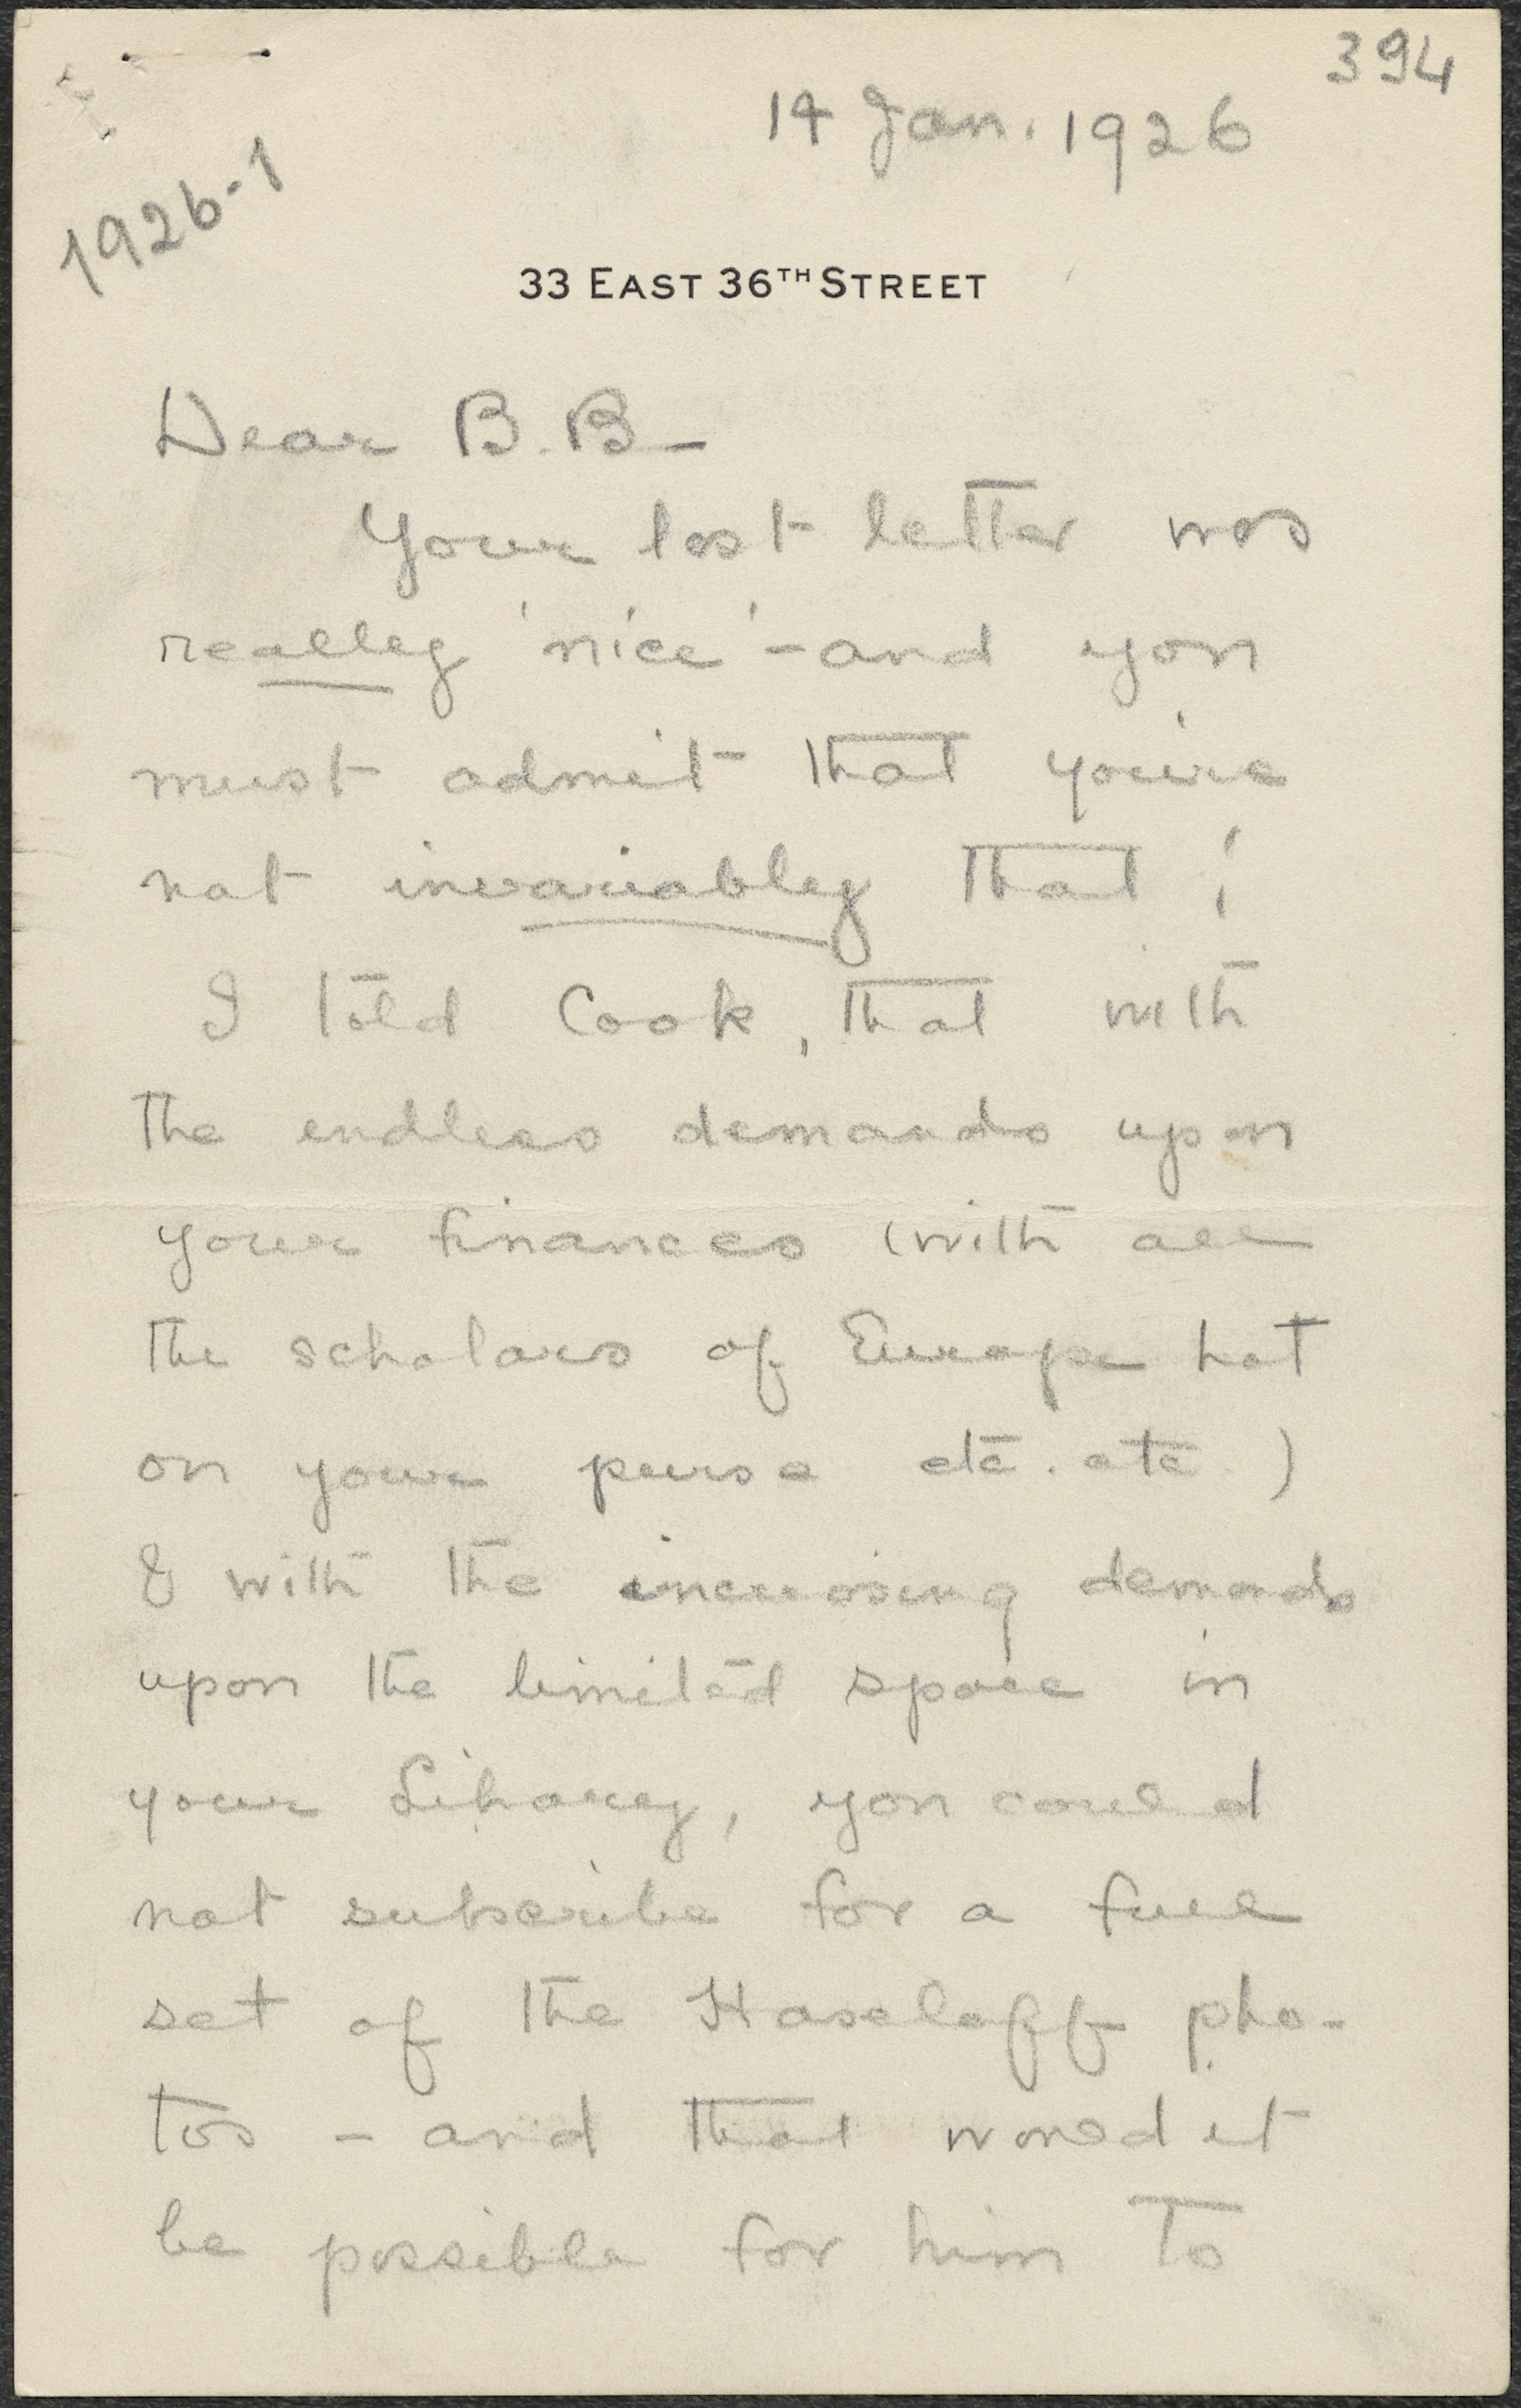14. Jan. 1926
Dear B.B –
Your last letter was really “nice” – and you must admit that you’re not invariably that!
I told Cook, that with the endless demands upon your finances (with all the scholars of Europe hot on your purse etc. etc.) & with the increasing demands upon the limited space in your Library, you could not subscribe for a full set of the Haseloff photos – and that would it be possible for him to